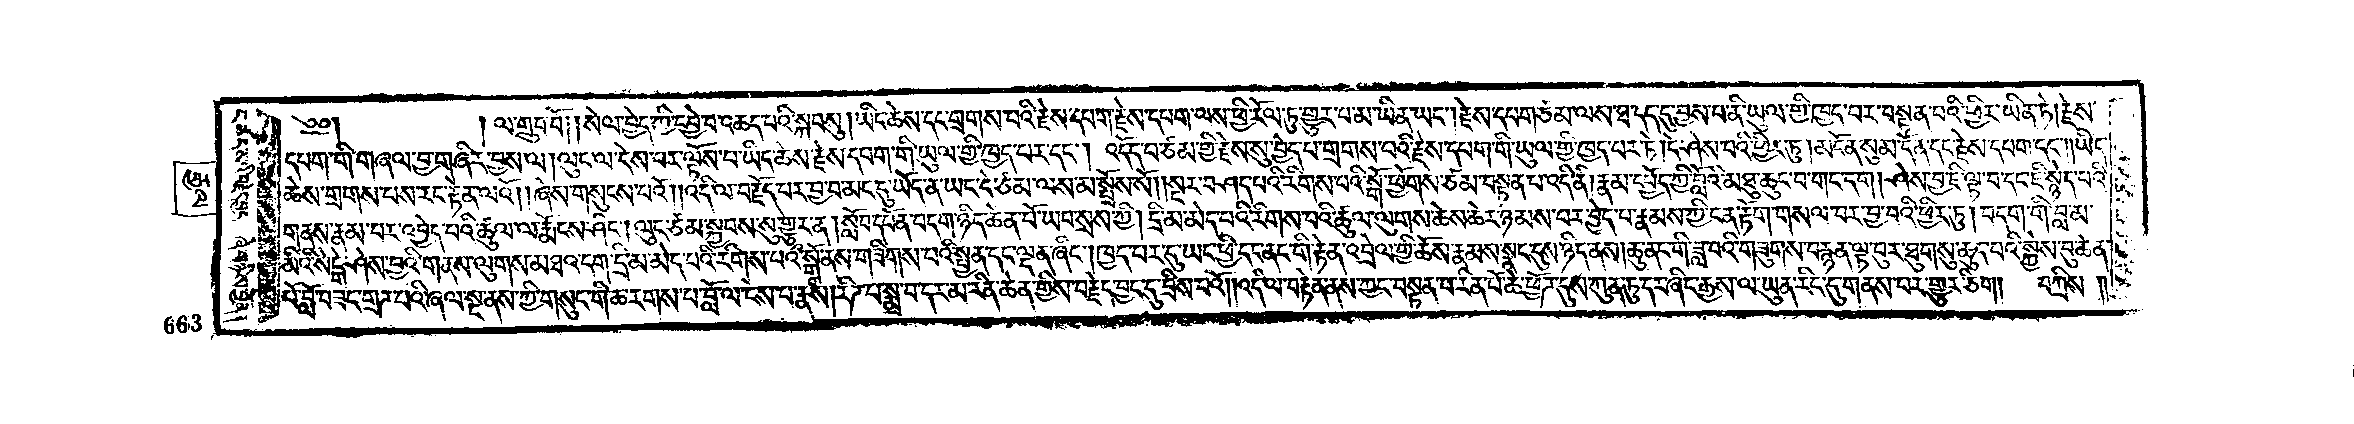༄༅། །ལ་གྲུབ་བོ། །སེལ་བྱེད་ཀྱི་དབྱེ་བ་འཆད་པའི་སྐབས་སུ། །ཡིད་ཆེས་དང་གྲགས་པའི་རྗེས་དཔག་རྗེས་དཔག་ལས་ཕྱི་རོལ་ཏུ་གྱུར་པ་མ་ཡིན་ཡང་། རྗེས་དཔག་ཙམ་ལས་ཐ་དད་དུ་བྱས་པ་ནི་ཡུལ་གྱི་ཁྱད་པར་བསྟན་པའི་ཕྱིར་ཡིན་ཏེ། རྗེས་
དཔག་གི་གཞལ་བྱ་གཞིར་བྱས་ལ། ལུང་ལ་ངེས་པར་ལྟོས་པ་ཡིད་ཆོས་རྗེས་དཔག་གི་ཡུལ་གྱི་ཁྱད་པར་དང་། འདོད་པ་ཙམ་གྱི་རྗེས་སུ་བྱེད་པ་གྲགས་པའི་རྗེས་དཔག་གི་ཡུལ་གྱི་ཁྱད་པར་ཏེ། དེ་ཤེས་པའི་ཕྱིར་ཏུ། མངོན་སུམ་དོན་དང་རྗེས་དཔག་དང་། ཡིད་
ཆེས་གྲགས་པས་རང་རྟེན་ལའོ། །ཞེས་གསུངས་པའོ། །འདི་ལ་བརྗོད་པར་བྱ་བ་མང་དུ་ཡོད་ན་ཡང་དེ་ཙམ་ལས་མ་སྤྲོས་སོ། །སྔར་བཤད་པའི་རིགས་པའི་སྒོ་ཕྱོགས་ཙམ་བསྟན་པ་འདི་ནི། རྣམ་དཔྱོད་ཀྱི་བློའི་མཐུ་ཆུང་བ་གང་དག །ཤེས་བྱ་ཇི་ལྟ་བ་དང་ཇི་སྙེད་པའི་
གནས་རྣམ་པར་འབྱེད་པའི་ཚུལ་ལ་རྨོངས་ཤིང་། ལུང་ཙམ་སྐྱབས་སུ་གྱུར་ན། སློབ་དཔོན་བདག་ཉིད་ཆེན་པོ་ཡབ་སྲས་ཀྱི། དྲི་མ་མེད་པའི་རིགས་པའི་ཚུལ་ལུགས་ཆེས་ཆེར་ཉམས་པར་བྱེ་དཔ་རྣམས་ཀྱི་ངན་རྟོགས་གསལ་བར་བྱ་བའི་ཕྱིར་ཏུ། །བདག་གི་བླ་མ་
མིའི་སིངགེ་ཤེས་བྱའི་གནས་ལུགས་མཐའ་དག་དྲི་མ་མེད་པའི་རིགས་པའི་སྒྲོ་ནས་གཟིགས་པའི་སྤྱན་དང་ལྡན་ཞིང་། ཁྱད་པར་དུ་ཡང་ཕྱི་དང་ནང་གི་རྟེན་འབྲེལ་གྱི་ཆོས་རྣམས་སྣང་དུས་ཉིད་ནས། ཆུ་ནང་གི་ཟླ་བའི་གཟུགས་བརྙན་ལྟ་བུར་ཐུགས་སུ་ཆུད་པའི་སྐྱེས་བུ་ཆེན་
པོ་བློ་བཟང་གྲགས་པའི་ཞལ་སྔ་ནས་ཀྱི་གསུང་གི་ཆ་རགས་པ་བློ་ལ་ངེས་པ་རྣམ། རིགས་པ་སྨྲ་བ་དར་མ་རིན་ཆེན་གྱིས་བརྗེད་བྱང་དུ་བྲིས་པའོ། །འདི་ལ་བརྟེན་ནས་ཀྱང་བསྟན་པ་རིན་པོ་ཆེ་ཕྱོགས་དུས་ཀུན་དུ་དར་ཞིང་རྒྱས་ལ་ཡུལ་རིང་དུ་གནས་པར་གྱུར་ཅིག ། བཀྲ་ཤེས།། །།